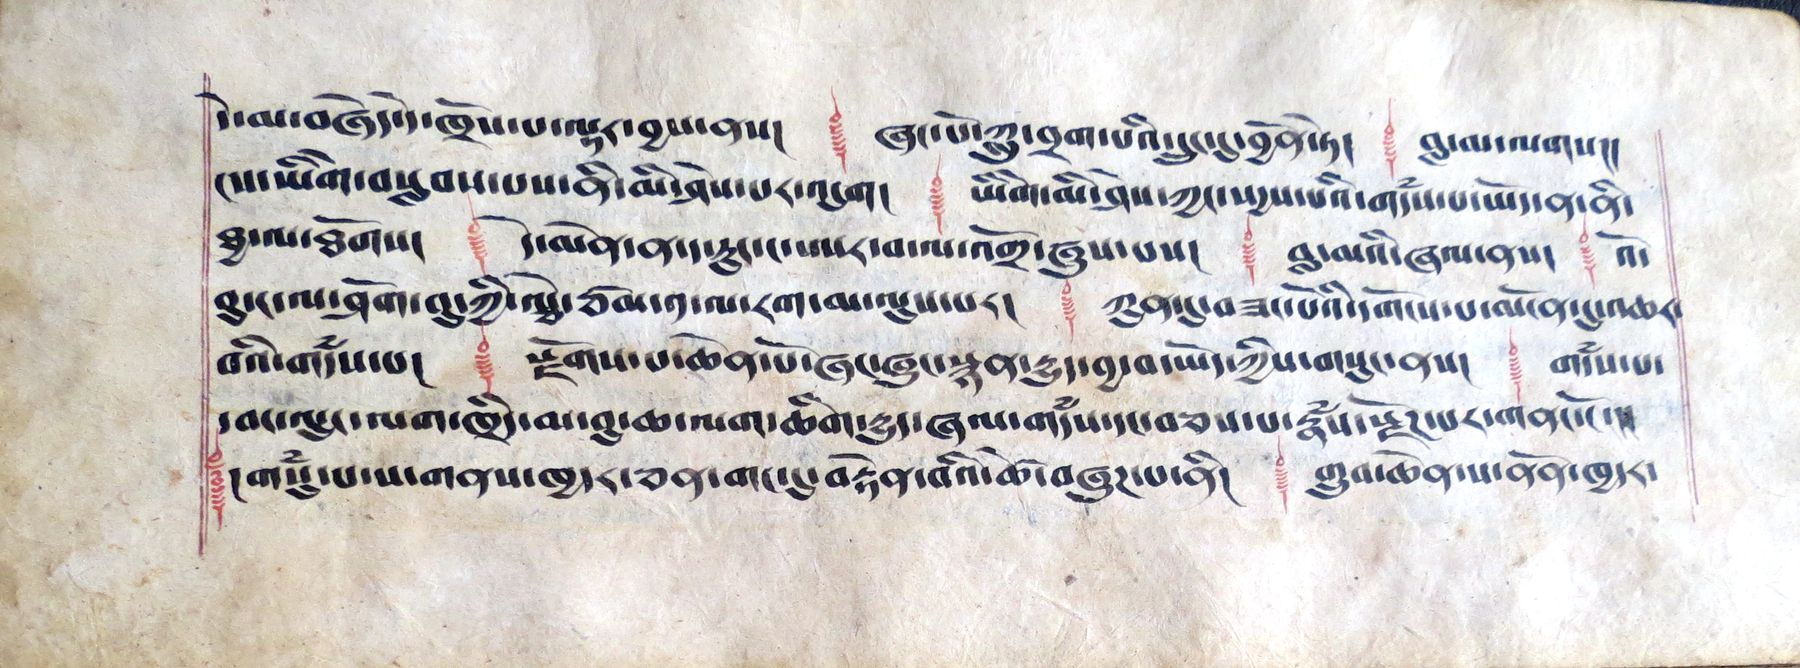དེ་མ་བཞེད་དེ་འཁྲོས་པ་ལྟར་བྱས་ནས། ཞང་པོ་ཀླུ་བྲག་པའི་དྲུང་དུ་བྱོན་ནས། བླ་མ་ལགས། 
ངས་ཡི་གེ་བསླབ་པས་ནི་མི་ཤེས་པར་འདུག ཡི་གེ་མི་ཤེས་ཀྱང་སངས་རྒྱས་པའི་གདམས་པ་ཞིག་ཡོད་ན་ནི་
ཐུགས་ལ་ཐོག དེ་མིན་ན་ད་རུང་ང་ཨར་པ་ལ་འགྲོ་ཞུས་པས། བླ་མའི་ཞལ་ནས། འོ་
བུ་ང་ལ་ཤོག་གུ་ཁྱི་ལྕེ་ལ་རག་མ་ལུས་པར། ཀུན་ཏུ་བཟང་པོའི་དགོངས་པ་མངོན་དུ་འཆར་
པའི་གདམས་པ། རྫོགས་པ་ཆེན་པོ་ཞང་ཞུང་སྙན་རྒྱུད་བྱ་བ་ཡོད་ཀྱི་གསུངས་ནས། གདམས་པ་
དབང་ལུང་ལག་ཁྲིད་མ་བུ་ཆ་ལག་གཅིག་རྒྱུད་ཞལ་གདམས་དང་བཅས་པ་རྣམས་རྫོགས་པར་གནང་ངོ་། ། 
གསུམ་པ་ས་གནས་ཁྱད་པར་ཅན་གང་དུ་བཞུགས་པ་ནི། གྲུབ་ཆེན་ས་ནོན་ཁྱད་པར་